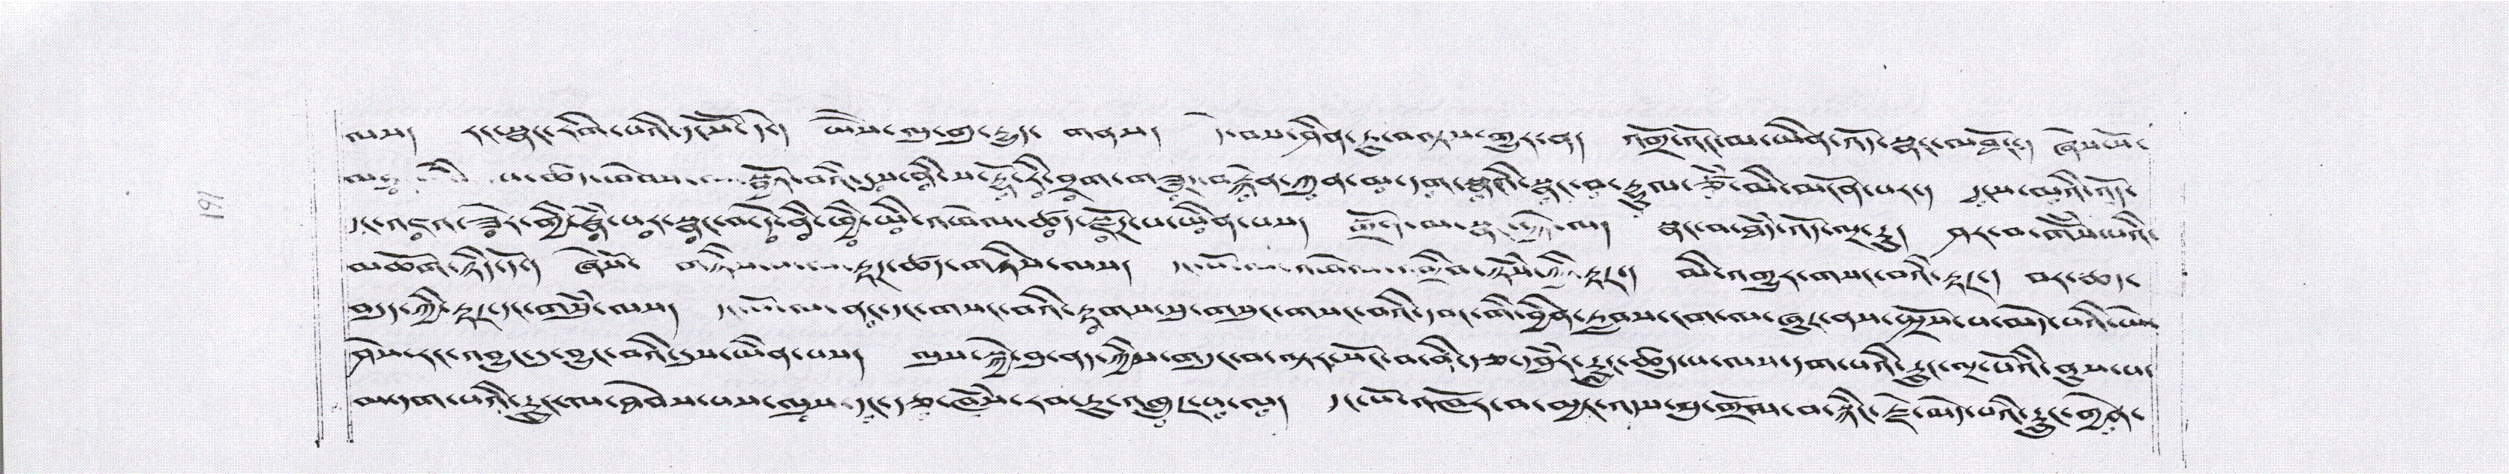ལས། རང་སྣང་རིག་པའི་དངོས་པོ་དེ། ཡེ་ཤེས་ལུ་གུ་རྒྱུད་དུ་གནས། དེ་བས་ཤིན་ཏུ་བལྟས་གྱུར་ན། འགྲོ་འོང་མ་ཡིན་འོད་སྣང་མཐོང་། ཞེས་སོ། 
མཐར་རིག་པ་ཚད་ཕེབས་ལ་སྦྱོར་བའི་དུས་ནི་ས་རྡོ་རི་བྲག་གཟུགས་བརྙན་ཀུན་མ་དག་པའི་སྣང་བ་རྡུལ་ཙམ་མི་མི་མངོན་པར་དྭངས་མའི་འོད་
དང་འཇའ་ཟེར་གྱི་རྣམ་པར་སྣང་བ་དེ་ནི་ཕྱི་ཡི་འཕེལ་ཚད་རྫོགས་པ་ཡིན་པས་སྒྲོན་མ་སྣང་བྱེད་ལས། སྣང་བ་ཐམས་ཅད་འོད་ལྔ་རུ། ཤར་བ་གོམས་པའི་
མཆོག་ཉིད་དོ། ཞེས་སོ། གཉིས་པ་ལ་རྟགས་ཚད་གཉིས་ལས། དང་པོ་ལ་འཕེལ་འགྲིབ་ཉམས་ཀྱི་རྟགས། མི་འགྱུར་གསང་བའི་རྟགས། བར་ཆད་
བདུད་ཀྱི་རྟགས་དང་གསུམ་ལས། དང་པོ་ལ་ནང་དང་གསང་བའི་རྟགས་སུ་གསུང་གསང་བའི་དབང་གི་བྱིན་རླབས་ངག་ལ་ཞུགས་ནས་སྤྲོས་པ་མེད་པའི་ཡེ་
ཤེས་རང་འབྱུང་དུ་འབྱུང་བའི་དུས་ཡིན་པས། ལུས་སྐྱེས་བུ་ནད་ཀྱིས་གདུང་བ་ལྟར་སོང་བ་ནི་རྩ་དབུ་མར་རླུང་ཚུད་པ་ལས་དག་པའི་རླུང་ལྔ་པོའི་ནུས་པ་
མ་དག་པའི་རླུང་ལ་ཐེབས་པས་ལུས་དང་རྩ་ཁམས་རབ་ཏུ་འཁྲུགས་པ་ལ། དང་པོ་འཁོར་བ་མྱང་འདས་སུ་གྲོལ་བ་སྙིང་རྗེ་མེད་པའི་རླུང་གྱེན་